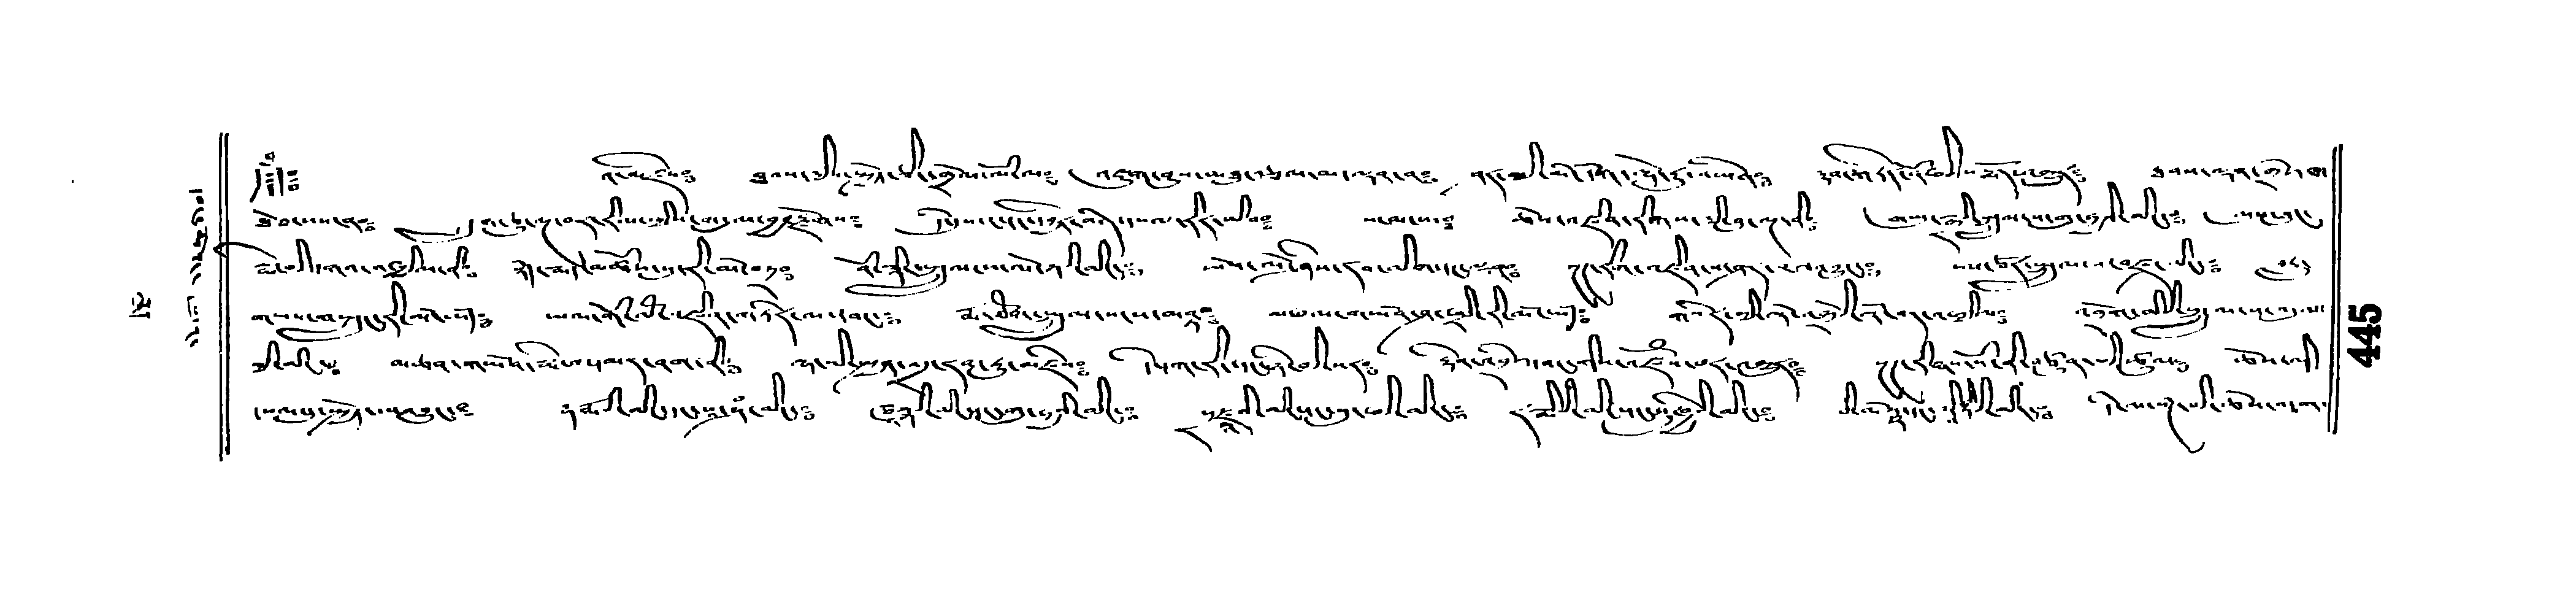ན་མཛེས༔ ཐབས་ཀྱིས་སྤྱོད་ཅིང་གྲོལ་ལམ་ལ༔ འཇུག་ནུས་མཐུ་རྩལ་མ་ལྡན་ན༔ ཤར་གྱི་མེ་ཏོག་ལྷོ་རུ་འཕེན༔ ཟབ་གཏེར་ནམ་མཁའི་པདྨོར་འགྱུར༔ ཐབས་ལྡན་གྲོལ་བ་
ཐོབ་པས་ན༔ དྲུག་ཅུ་ལྔ་བར་རིམ་གྱིས་གདུལ་བྱ་རྫོགས༔ དེ་དུས་ང་དང་དབྱེར་མེད་དཔལ་རིར་ཡིབས༔ ས་མ་ཡ༔ ཆོས་འཛིན་རིགས་ཀྱི་བུ་ལྔ་ནི༔ གཡུ་སྒྲའི་སྤྲུལ་པ་གུ་ཧྱའི་མིང༔ ལུས་ཐུང་
སྨེ་བའི་དགའ་འཁྱིལ་ནི༔ སྟོད་སྨད་མཚམས་སུ་རི་མོ་བཀྲ༔ ནམ་སྙིང་སྤྲུལ་པ་ལོ་ཀའི་མིང༔ ཡོས་ལོ་ཤེས་རབ་མིག་དང་ལྡན༔སྔགས་རིག་འཛིན་པ་ཤར་ནས་འབྱུང༔ ཨ་ཙར་སྤྲུལ་པ་བཛྲ་མིང༔ བརླ་
གཡས་གཡུང་དྲུང་རི་མོ་ཡོད༔ ཡལ་གམ་ལོ་འཛིན་གཏེར་ལ་དབང༔ རྨ་ཐོག་སྤྲུལ་པ་ས་མནྟ༔ མཁལ་གཡོན་ཤ་ཁྲའི་རི་མོ་ཡོད༔ གསེར་གྱི་ལྟོ་འགྲོའི་ལྟོ་བར་འཁྱིལ༔ འབྲོག་མིའི་སྤྲུལ་པ་འདུལ་
གྱི་མིང༔ མཆན་གཡོན་སྨེ་བ་དམར་ནག་ནི༔ ལྷ་ཡི་སྤྱན་འདྲ་རབ་ཏུ་མཛེས༔ དེ་དག་རི་དང་ཉེ་བའི་སར༔ རྟེན་འབྲེལ་དབང་གིས་འཛོམ་པར་འགྱུར༔ སྔགས་རིགས་སམ་ནི་བཙུན་པའི་ཚུལ༔ ཆོས་འདི་
དཔལ་དུ་སྤྱོད་པ་འབྱུང༔ དྷརྨའི་མིང་དང་པཱ་ཤཾ་མིང༔ ཝཱཀྐའི་མིང་དང་གུ་ཧྱའི་མིང༔ པྲཛྙཱའི་མིང་དང་སུ་ཁའི་མིང༔ རསྨིའི་མིང་དང་པུཎྱེའི་མིང༔ བིམོཀྵདང་ཀིརྟིའི་མིང༔ དེ་ལ་སོགས་པའི་ཆོས་བདག་